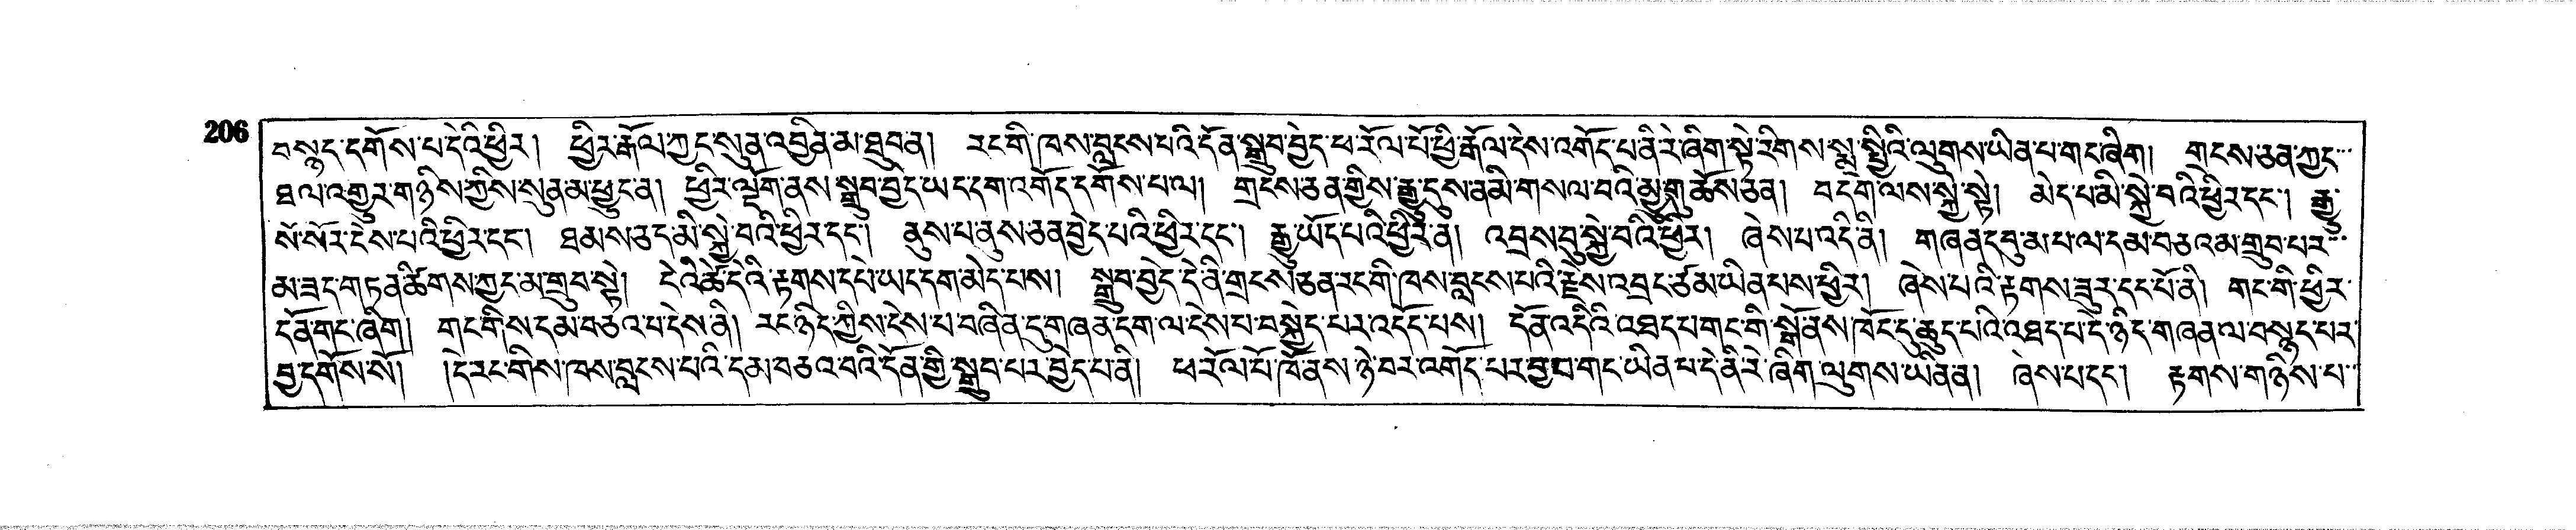བསྙད་དགོས་པ་དེའི་ཕྱིར། ཕྱིར་རྒོལ་ཀྱང་སུན་འབྱིན་མ་ཐུབ་ན། རང་གི་ཁས་བླངས་པའི་དོན་སྒྲུབ་བྱེད་ཕ་རོལ་པོ་ཕྱི་རྒོལ་དེས་འགོད་པ་ནི་རེ་ཞིག་སྟེ་རིགས་སྨྲ་སྤྱིའི་ལུགས་ཡིན་པ་གང་ཞིག །གྲངས་ཅན་ཀྱང་
ཐལ་འགྱུར་གཉིས་ཀྱིས་སུན་མ་ཕྱུང་ན། ཕྱིར་ལྡོག་ནས་སྒྲུབ་བྱེད་ཡང་དག་འགོད་དགོས་པ་ལ། གྲངས་ཅན་གྱིས་རྒྱུད་དུས་ན་མི་གསལ་བའི་མྱུ་གུ་ཆོས་ཅན། བདག་ལས་སྐྱེ་སྟེ། མེད་པ་མི་སྐྱེ་བའི་ཕྱིར་དང་། རྒྱུ་
སོ་སོར་ངེས་པའི་ཕྱིར་དང་། ཐམས་ཅད་མི་སྐྱེ་བའི་ཕྱིར་དང་། ནུས་པ་ནུས་ཅན་བྱེད་པའི་ཕྱིར་དང་། རྒྱུ་ཡོད་པའི་ཕྱིར་ན། འབྲས་བུ་སྐྱེ་བའི་ཕྱིར། ཞེས་པ་འདི་ནི། གཞན་དབུ་མ་ལ་དམ་བཅའ་མ་གྲུབ་པར་
མ་ཟད་གཏན་ཚིགས་ཀྱང་མ་གྲུབ་སྟེ། དེའི་ཚེ་དེའི་རྟགས་དཔེ་ཡང་དག་མེད་པས། སྒྲུབ་བྱེད་དེ་ནི་གྲངས་ཅན་རང་གི་ཁས་བླངས་པའི་རྗེས་འབྲང་ཙམ་ཡིན་པས་ཕྱིར། ཞེས་པའི་རྟགས་ཟུར་དང་པོ་ནི། གང་གི་ཕྱིར་
དོན་གང་ཞིག །གང་གིས་དམ་བཅའ་པ་དེས་ནི། རང་ཉིད་ཀྱིས་ངེས་པ་བཞིན་དུ་གཞན་དག་ལ་ངེས་པ་བསྐྱེད་པར་འདོད་པས། དོན་འདིའི་འཐད་པ་གང་གི་སྒོ་ནས་ཁོང་དུ་ཆུད་པའི་འཐད་པ་དེ་ཉིད་གཞན་ལ་བསྙད་པར་
བྱ་དགོས་སོ། །དེ་རང་གིས་ཁས་བླངས་པའི་དམ་བཅའ་བའི་དོན་གྱི་སྒྲུབ་པར་བྱེད་པ་ནི། ཕ་རོལ་པོ་ཁོ་ནས་ཉེ་བར་འགོད་པར་བྱ་བ་གང་ཡིན་པ་དེ་ནི་རེ་ཞིག་ལུགས་ཡིན་ན། ཞེས་པ་དང་། རྟགས་གཉིས་པ་